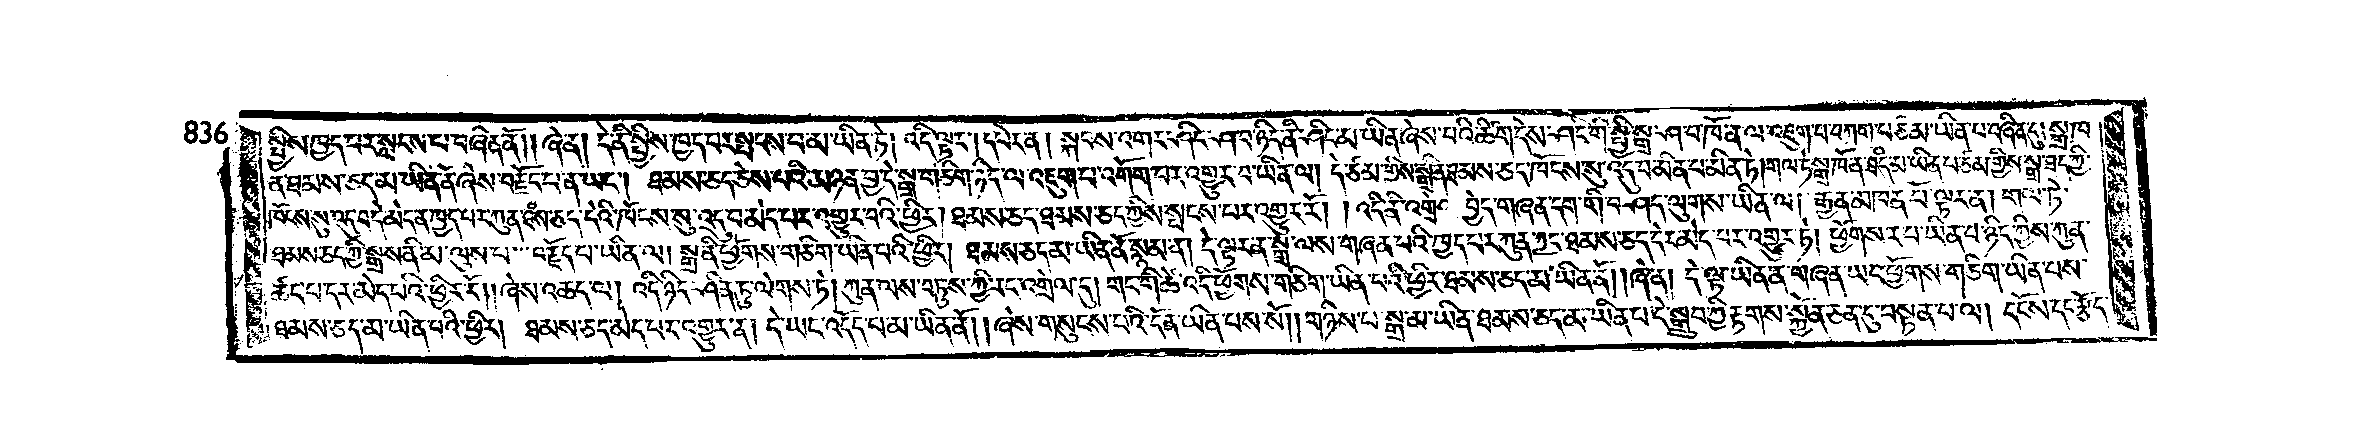སྤྱིས་ཁྱད་པར་སླངས་པ་བཞིན་ནོ། ཞེ་ན། དེ་ནི་སྤྱིས་ཁྱད་པར་སྤངས་པ་མ་ཡིན་ཏེ། འདི་ལྟར། དཔེར་ན། སྐབས་འགར་ཤིང་ཤ་བ་ཉིད་ནི་ཤིང་མ་ཡིན་ཞེས་པའི་ཚིག་དེས་ཤིང་གི་སྤྱི་སྒྲ་ཤ་བ་ཁོ་ན་ལ་འཇུག་པ་བཀག་པ་ཙམ་ཡིན་པ་བཞིན་དུ། སྒྲ་ཁ་
ན་ཐམས་ཅད་མ་ཡིན་ནོ་ཞེས་བརྗོད་པ་ན་ཡང་། ཐམས་ཅད་ཅེས་པའི་མཉན་བྱ་དེ་སྒྲ་གཅིག་ཉིད་ལ་འཇུག་པ་འགོག་པར་འགྱུར་བ་ཡིན་ལ། དེ་ཙམ་གྱིས་སྒྲ་ནི་ཐམས་ཅད་ཁོངས་སུ་འདུ་བ་མིན་པ་མིན་ཏེ། གལ་ཏེ་སྒྲ་ཁོ་ན་ཐམས་ཅད་མ་ཡིན་པ་ཙམ་གྱིས་སྒྲ་ཐད་ཀྱི་
ཁོངས་སུ་འདུ་བདེ་མེད་ན་ཁྱད་པར་ཀུན་ཐམས་ཅད་དེའི་ཁོངས་སུ་འདུ་བ་མེད་པར་འགྱུར་བའི་ཕྱིར། ཐམས་ཅད་ཐམས་ཅད་ཀྱིས་སྤངས་པར་འགྱུར་རོ། །འདི་ནི་འགྲེལ་བྱེད་གཞན་དག་གི་བཤད་ལུགས་ཡིན་ལ། རྒྱན་མཁན་པོ་ལྟར་ན། གལ་ཏེ་
ཐམས་ཅད་ཀྱི་སྒྲས་ནི་མ་ལུས་པ་བརྗོད་པ་ཡིན་ལ། སྒྲ་ནི་ཕྱོགས་གཅིག་ཡིན་པའི་ཕྱིར། ཐམས་ཅད་མ་ཡིན་ནོ་སྙམ་ན། དེ་ལྟར་ན་སྒྲ་ལས་གཞན་པའི་ཁྱད་པར་ཀུན་ཀྱང་ཐམས་ཅད་དེར་མེད་པར་འགྱུར་ཏེ། ཕྱོགས་རབ་ཡིན་པ་ཉིད་ཀྱིས་ཀུན་
ཚད་པ་དར་མེད་པའི་ཕྱིར་རོ། །ཞེས་འཆད་ལ། འདི་ཉིད་ཤིན་ཏུ་ལེགས་ཏེ། ཀུན་ལས་བཏུས་ཀྱི་རང་འགྲེལ་དུ། གང་གི་ཚེ་འདི་ཕྱོགས་གཅིག་ཡིན་པའི་ཕྱིར་ཐམས་ཅད་མ་ཡིན་ནོ། །ཞེ་ན། དེ་ལྟ་ཡིན་ན་གཞན་ཡང་ཕྱོགས་གཅིག་ཡིན་པས་
ཐམས་ཅད་མ་ཡིན་པའི་ཕྱིར། ཐམས་ཅད་མེད་པར་འགྱུར་ན། དེ་ཡང་འདོད་པ་མ་ཡིན་ནོ། །ཞེས་གསུངས་པའི་དོན་ཡིན་པས་སོ། །གཉིས་པ་སྒྲ་མ་ཡིན་ཐམས་ཅད་མ་ཡིན་པ་དེ་སྒྲུབ་ཀྱི་རྟགས་སྐྱོན་ཅན་དུ་བསྟན་པ་ལ། དངོས་དང་རྩོད་